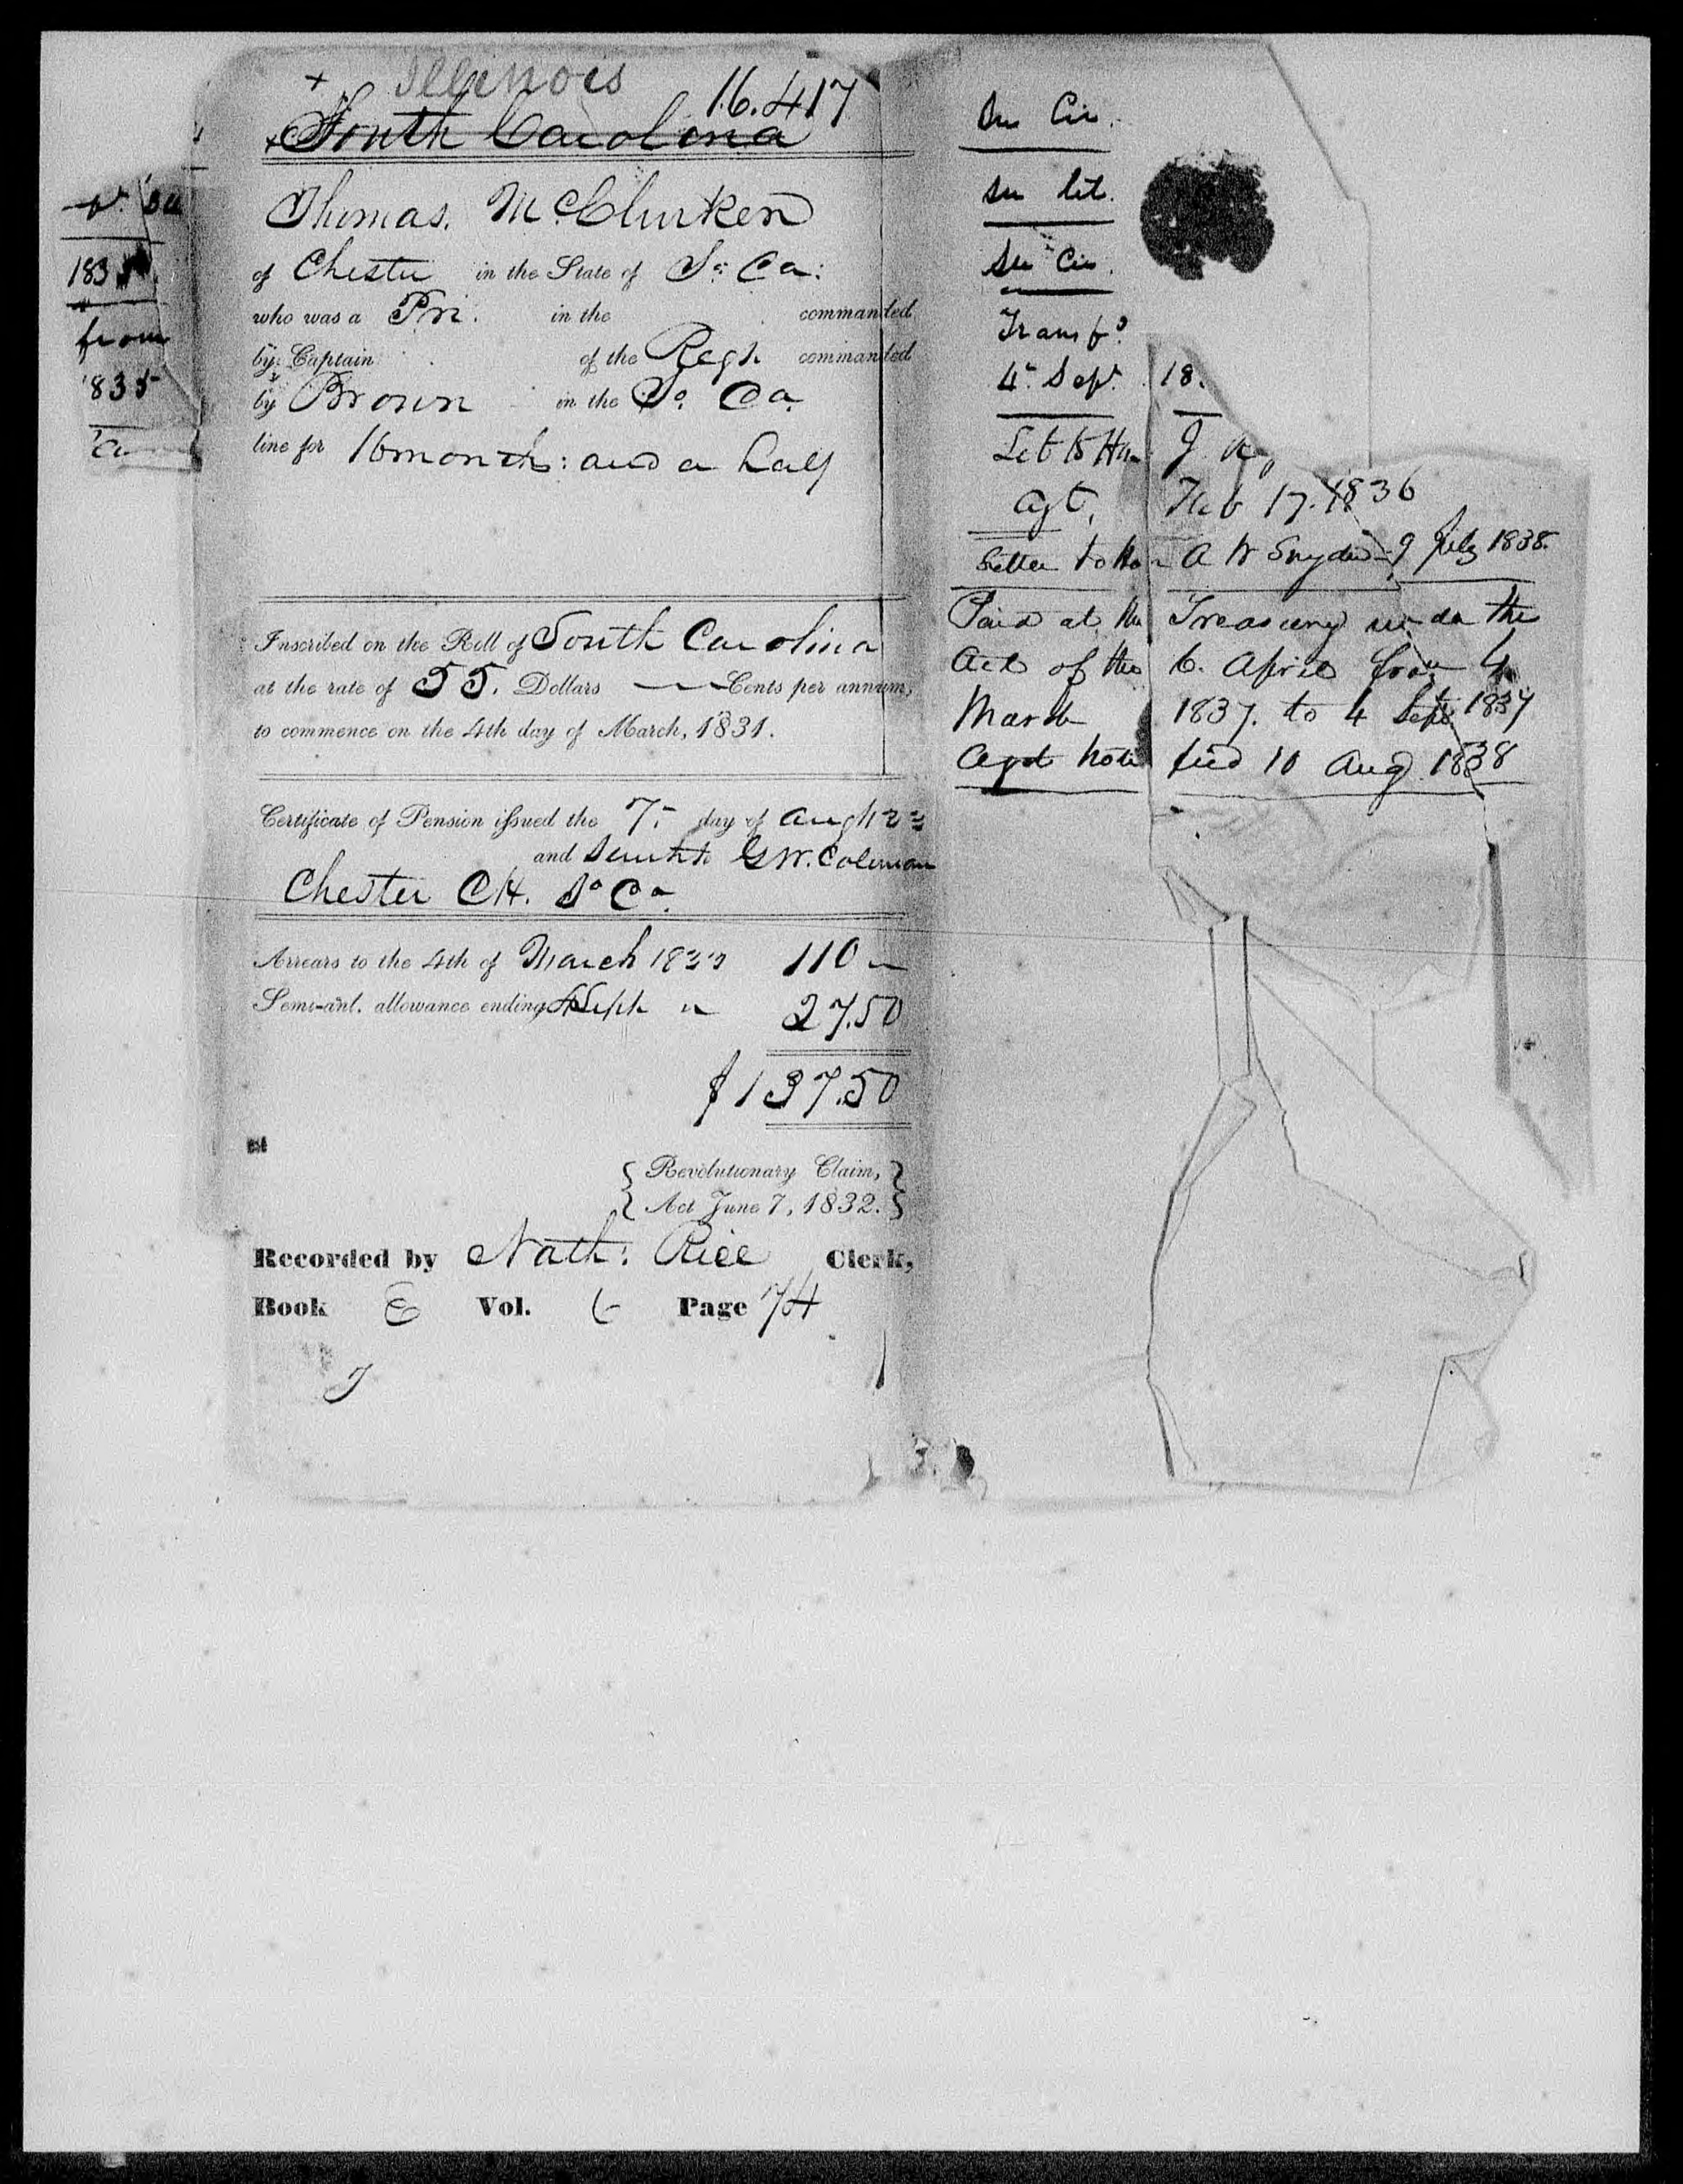Illinois 16.417

Thomas McClurken
of Chester in the State of So. Ca. who was a Pri in the commanded 
by Captain of the Regt. commanded by Brown in the So. Ca. 
line for 10 months and a half

Inscribed on the Roll of South Carolina
at the rate 55 Dollars _ Cents per annum,
to commence on the 4th day of March, 1834.

Certificate of Pension issued the 7th day of Aug/[unintelligible-123]
and sent to G.W. Coleman
Chester CH. So. Ca.

Arrears to the 4th of March 1833
Semi-anl. allowance ending Sept

110
27.50
$137.50

{Revolutionary Claim,}
{Act June 7, 1832.}

Recorded by: Nath: Rice Clerk,
Book E Vol. 6 Page 74

In Cir
In let
In Cir
Trans b
4 Sept. 18 
Let 15 H J
Ajt. Feb 17. 1836
Letter to the AN Snyder 9 July 1838
Paid at the Treasury under the 
Act of the 6 April for 4 
March 1837. to 4 Sept. 1837
Agt. had died 10 August. 1838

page: 2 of 93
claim: widow's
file: W. 21792, for Thomas Mc Clurken, South Carolina